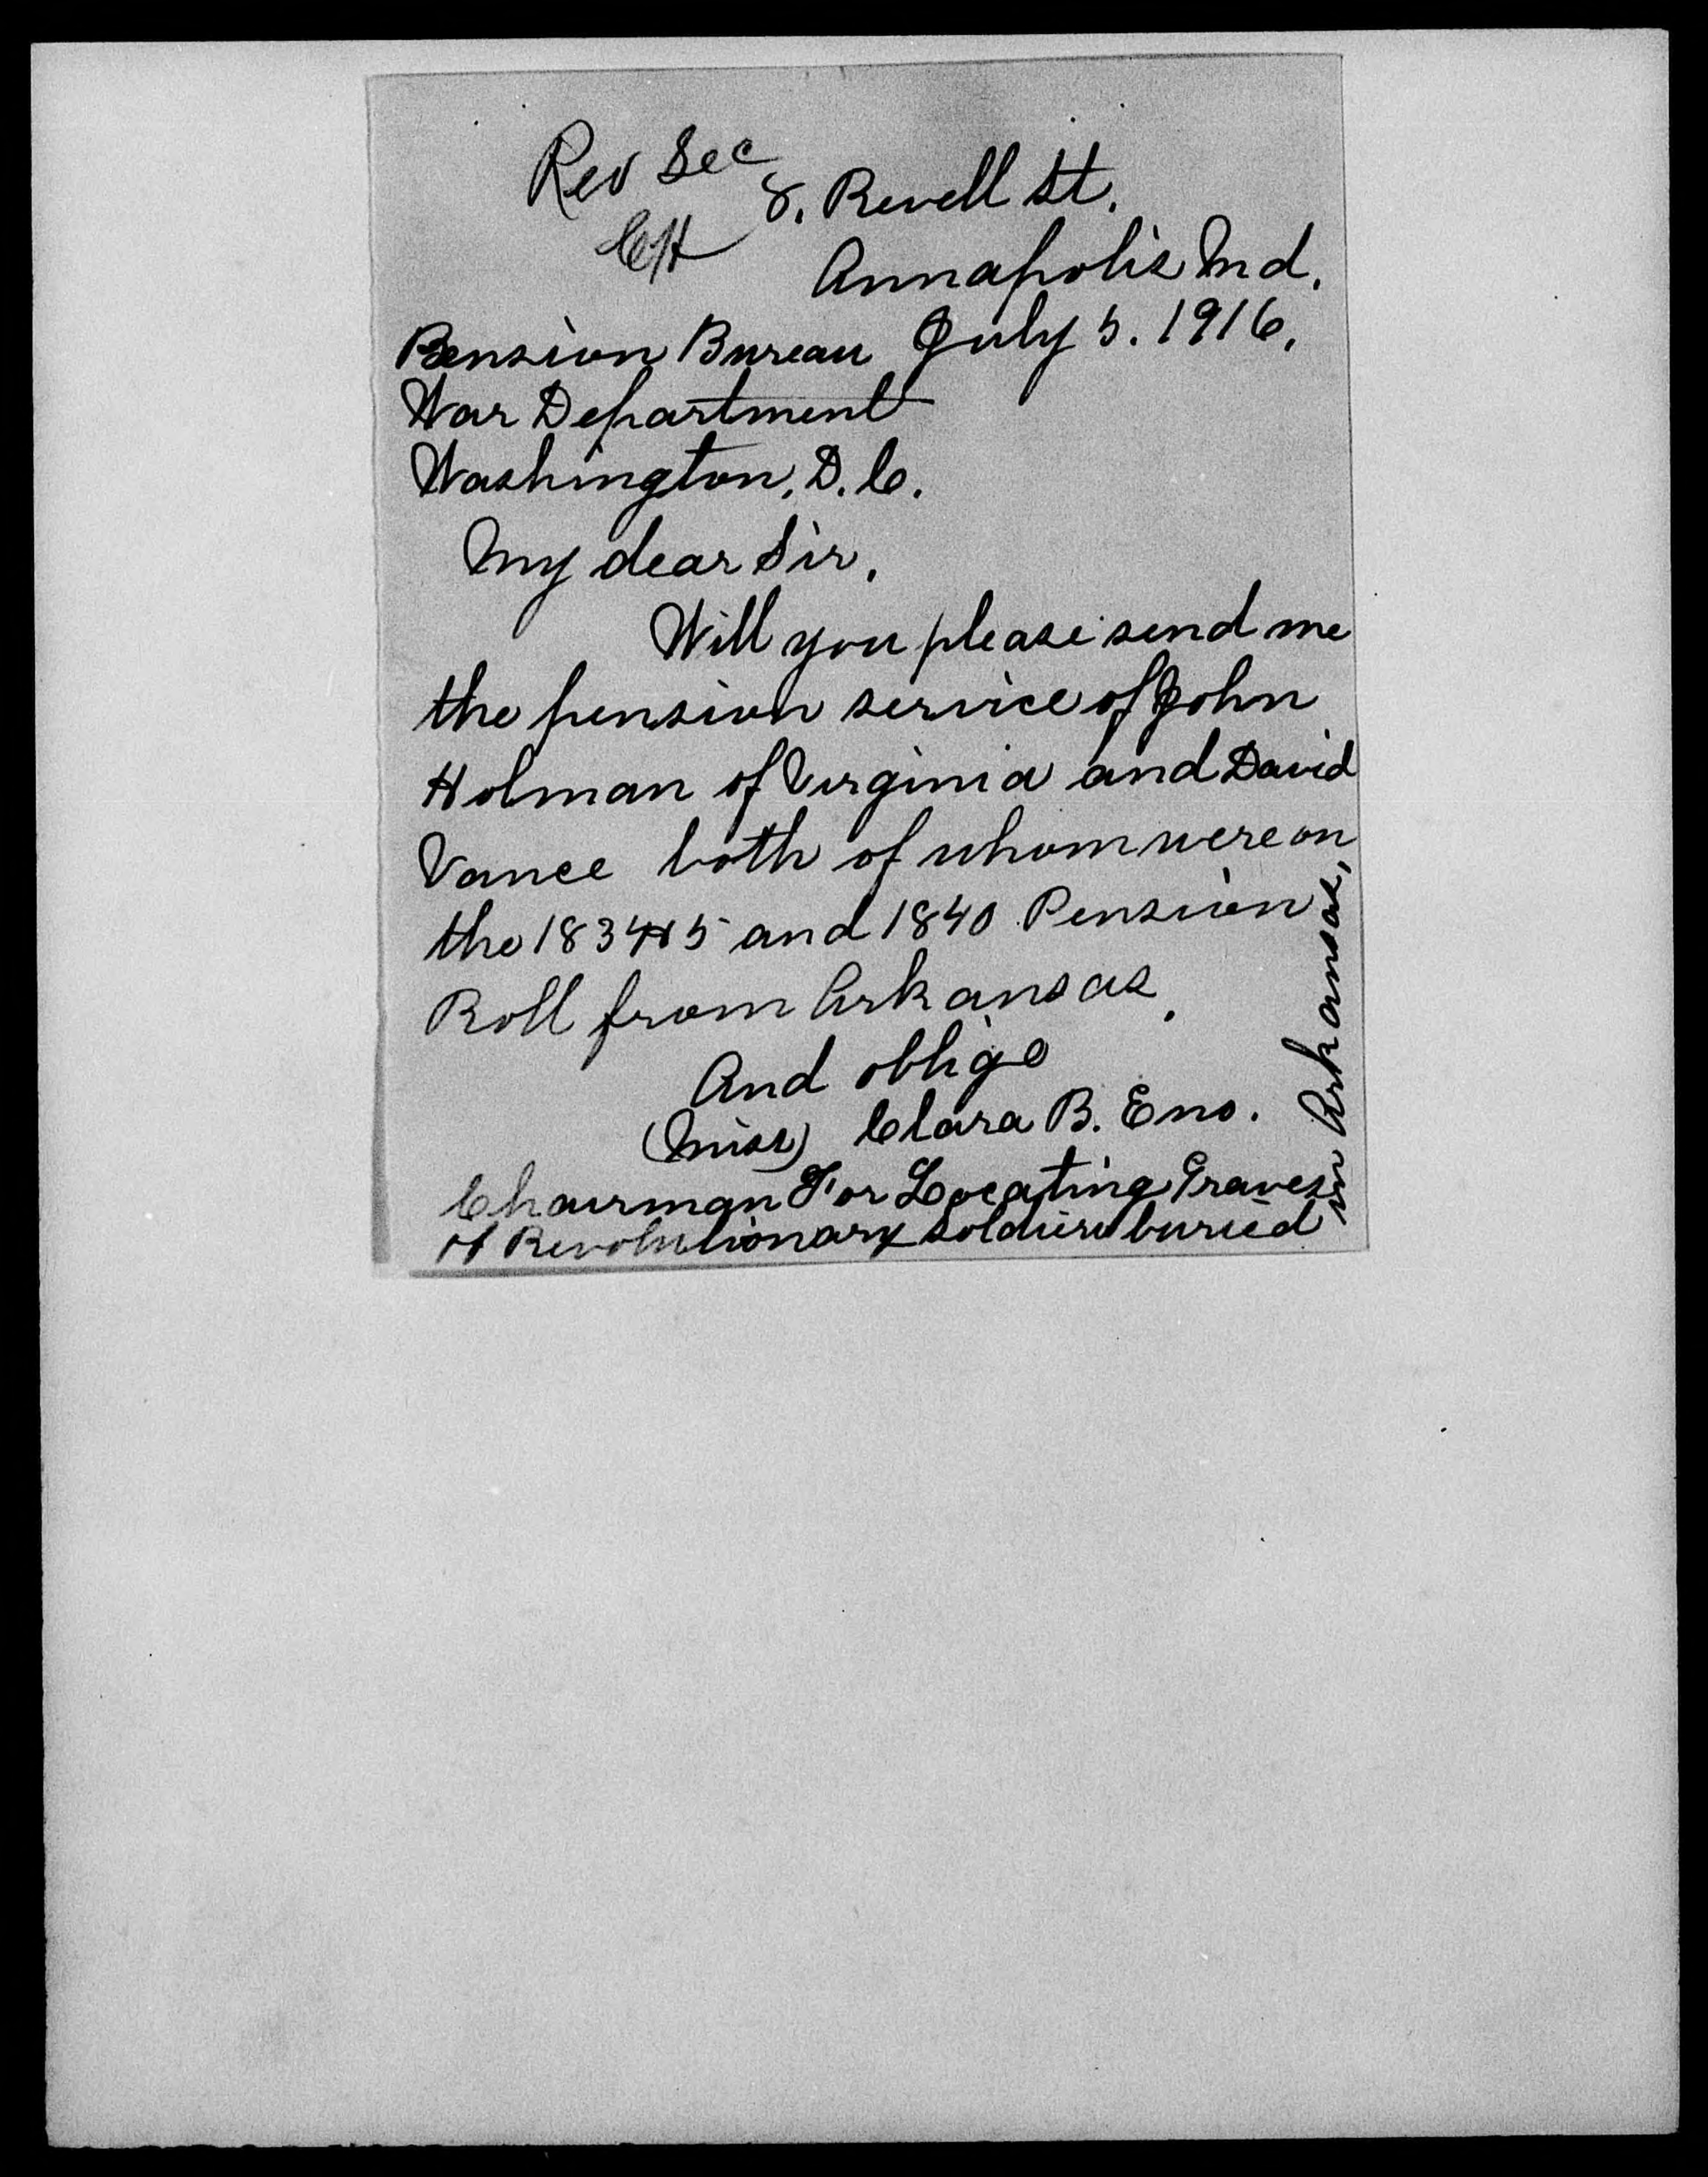REV SEC
CE 8 Revell St.
Annapolis, Ind.
July 5, 1916
Pension Bureau
War Department 
Washington, D. C.
My dear Sir,
Will you please send me the pension service of John Holman
of Virginia and David Vance both of whom were on the 1834 & 5 
and 1840 Pension Roll from Arkansas.
And oblige
(Miss) Clara B. Eno.
Chairman for Locating Graves of Revolutionary soldiers buried  in 
Arkansas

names: David Vance, Clara B Eno, John Holman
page: 18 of 30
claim: survivor's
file: S. 31753, John Holman, Va.